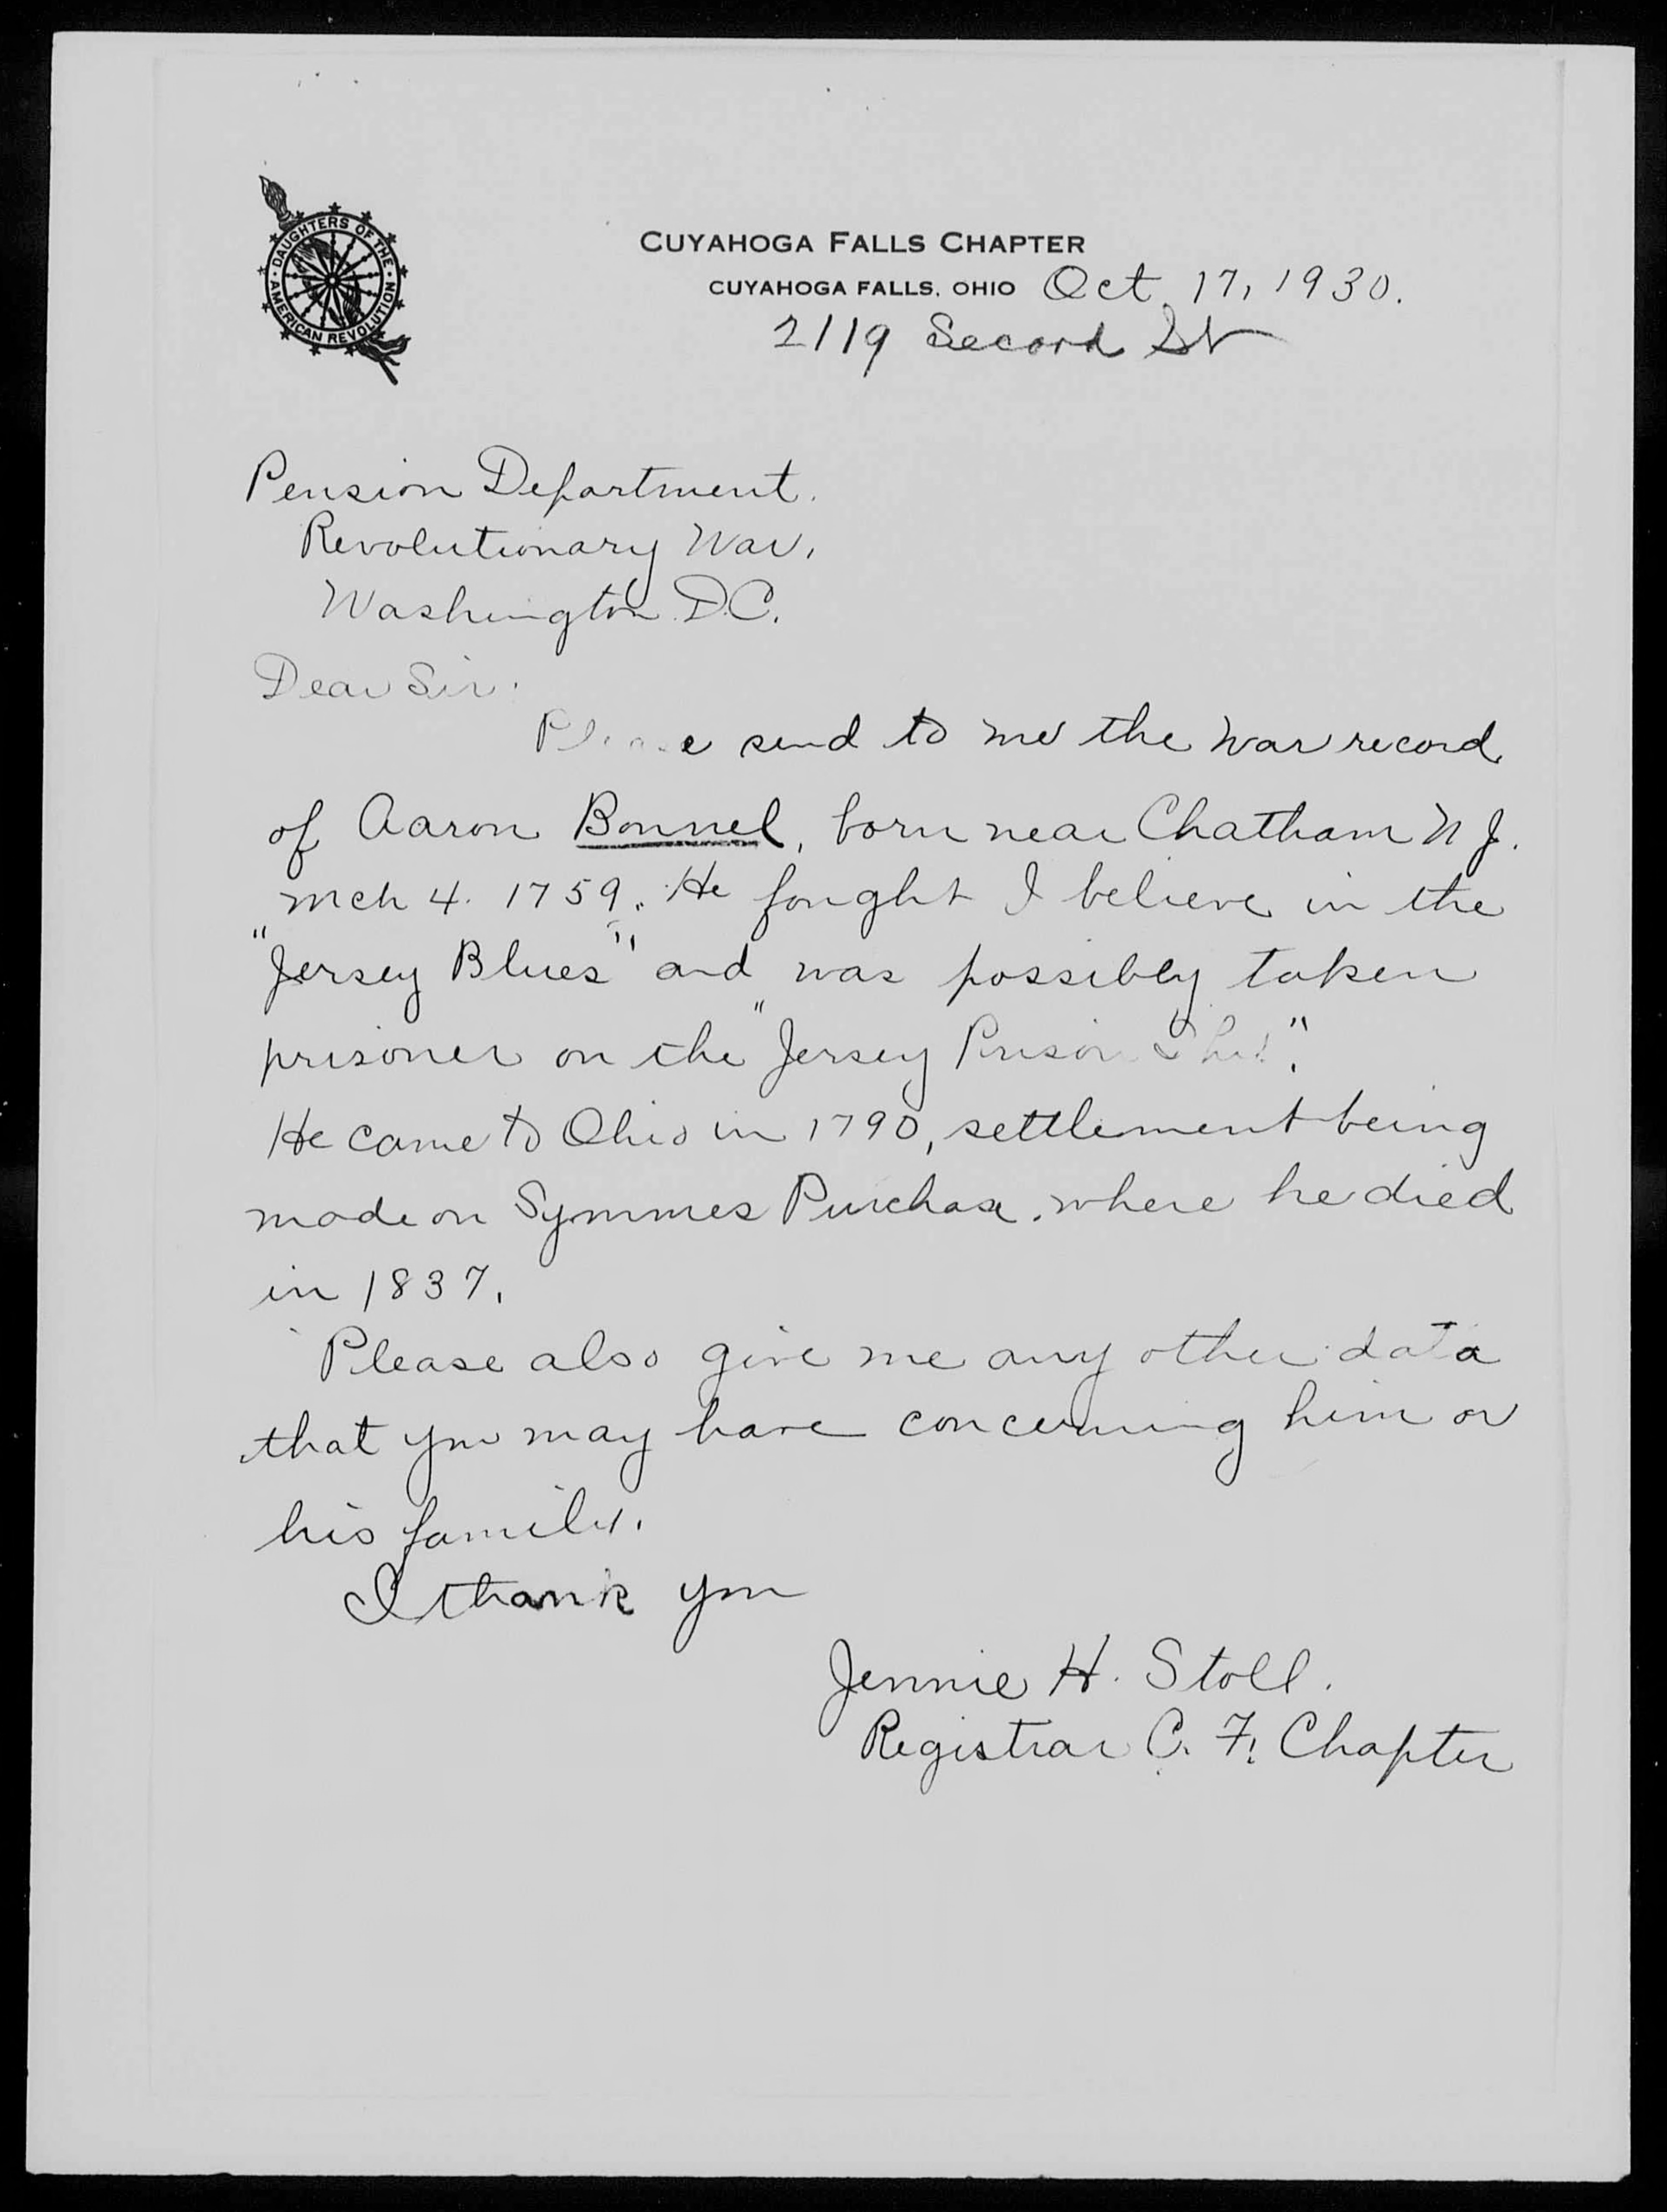Daughters of the American Revolution
Cuyahoga Falls Chapter
Cuyahoga Falls, Ohio  Oct 17, 1930
2119 Second St

Pension Department
Revolutionary War,
Washington D.C.
Dear Sir:
Please send to me the war record of Aaron Bonnel, born near Chathan NJ. Mch 4, 1759.  He fought I believe in the "Jersey Blues" and was possibly taken prisoner on the Jersey Prison Ship."   He came to Ohio in 1790, settlement being made on Symmes Purchase, where he died in 1837.
Please also give me any other data that you may have concerning him or his family.
I thank you

Jennie H. Stoll
Registrar C.F. Chapter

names: Aaron Bonnel, Jennie H Stoll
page: 63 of 67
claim: rejected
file: R. 1009, Aaron Bonnel, New Jersey